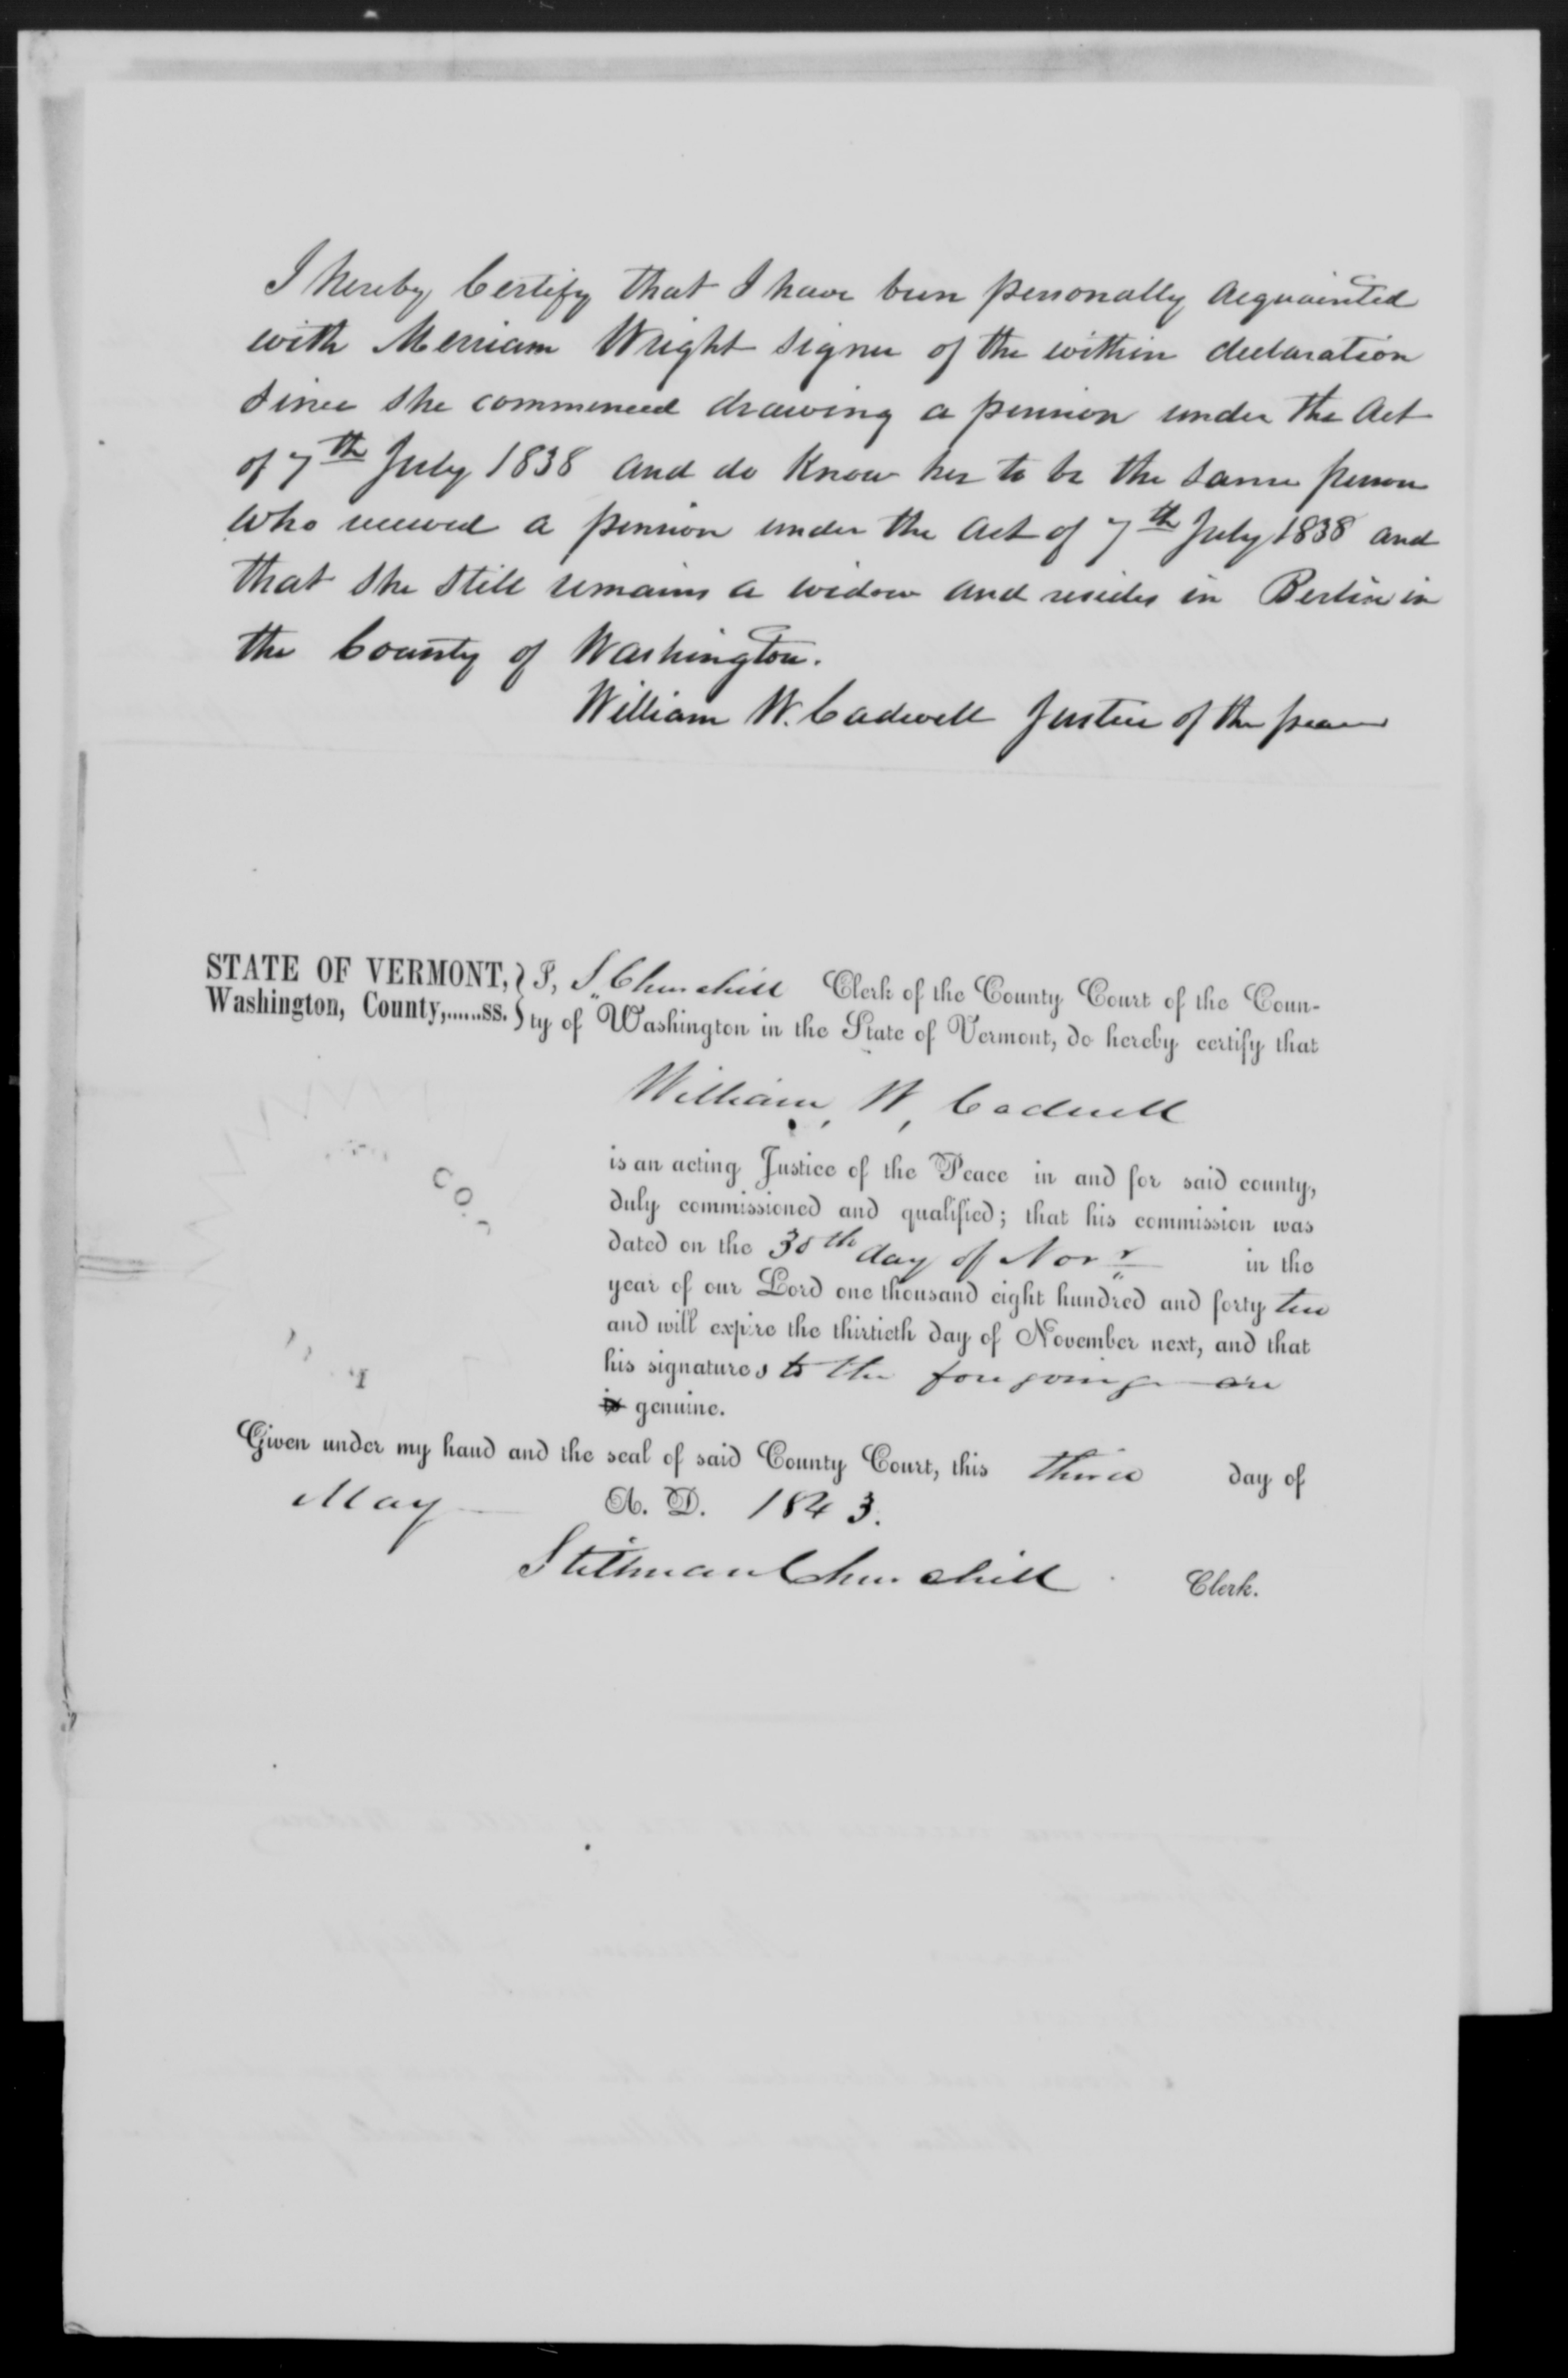I hereby certify that I have been personally acquainted with Merriam Wright signer of the within declaration since she commenced drawing a pension under the act of 7th July 1838 and do know her to be the same person
who received a pension under the act of 7th July 1838 and that she still remains a widow and resides in Berlin in the County of
Washington.
William W. Cadwell Justice of the peace
STATE OF VERMONT,    }
Washington, County, ss.}
I, S. Churchill Clerk of the County Court of the County of Washington in the State of Vermont, do hereby certify that
William W. Cadwell
is an acting Justice of the Peace in and for said county, duly commissioned and qualified; that his commission was dated on the 30th day of Novr in the year of our Lord one thousand eight hundred and forty two and will expire the thirtieth day of November next, and that his signatures to the foregoing are genuine.
Given under my hand and the seal of said County Court, this third day of May A.D. 1843
Stillman Churchill     Clerk.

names: Merriam Wright, Stillman Churchill, William W Cadwell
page: 24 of 26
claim: widow's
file: W. 26,137, Elijah Wright, N.H.